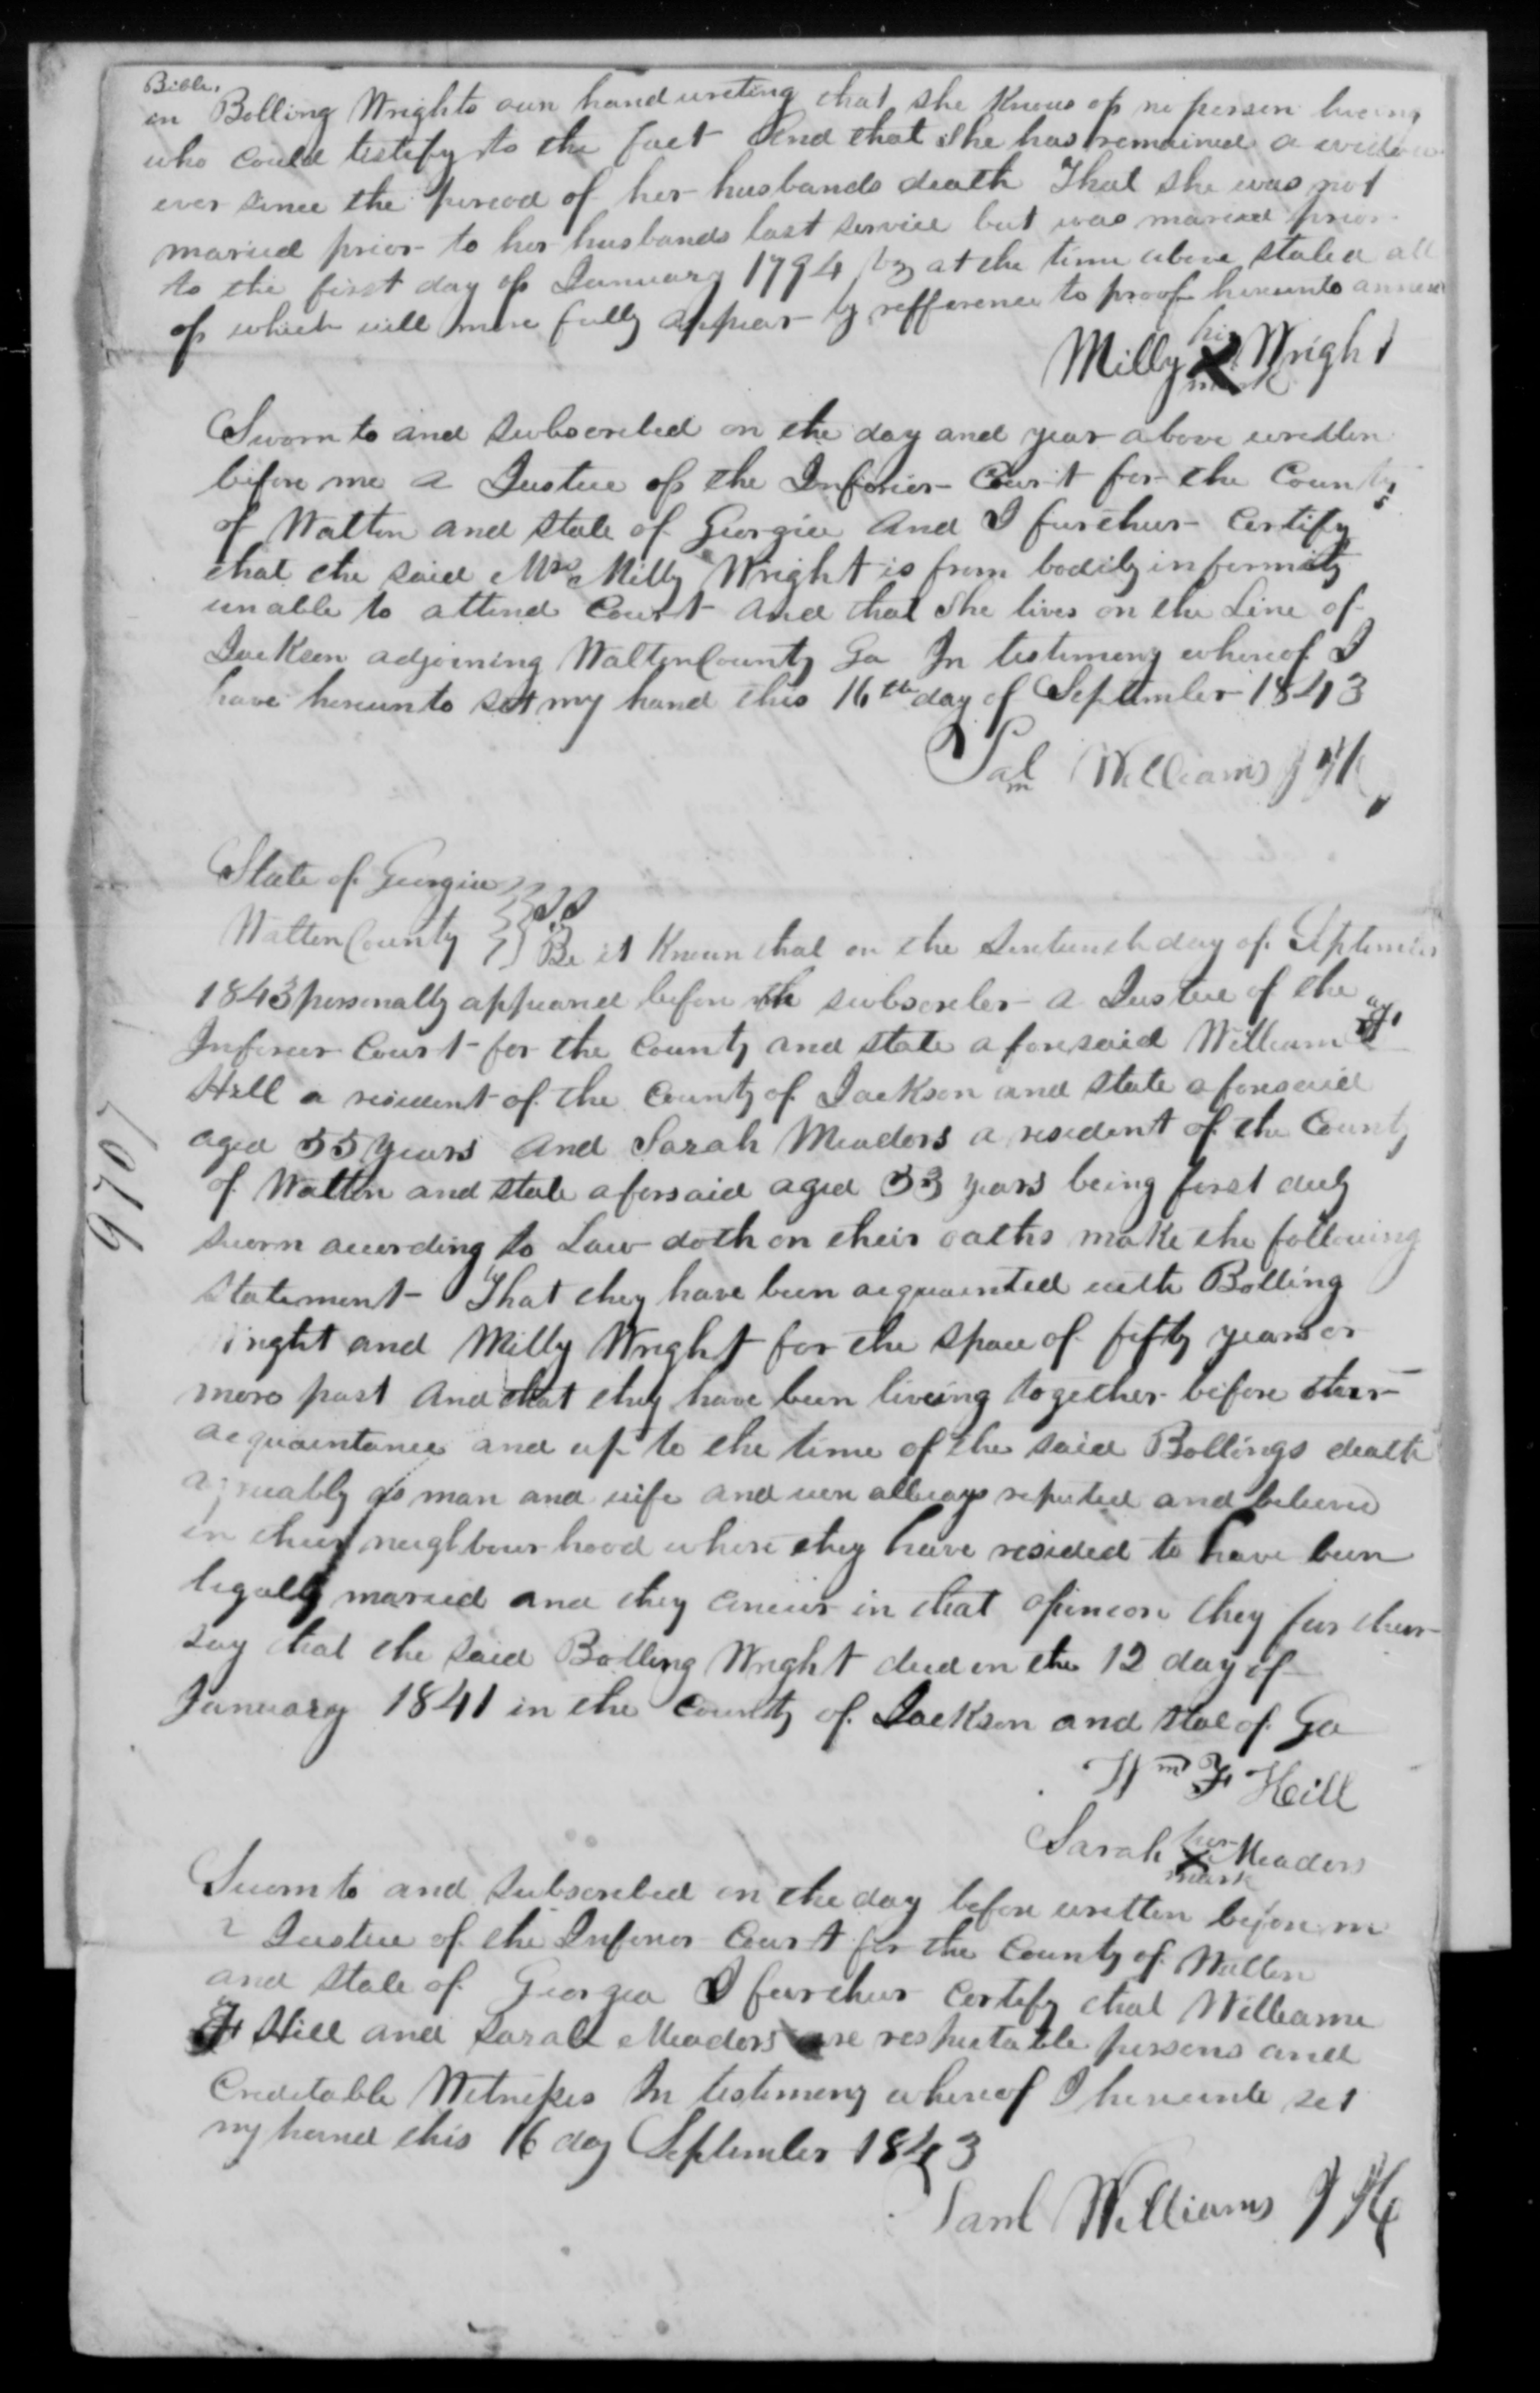Bible
in Bolling Wrights own handwriting that she knows of no person living who could testify to the fact and that she has remained a widow ever since the period of her husband death That she was not maried prior to her husbands last service but was maried prior to the first day of January 1794 viz at the time above stated all of which will more full appear by refference to proof hereunto annexed
Milly Wright his X mark
Sworn to and subscribed on the day and year above written before me a Justice of the Inferior Court for the County of Walter and state of Georgia and I further Certify that the said Mrs. Milly Wright is from bodily infirmity unable to attend Court and and that she lives on the line of [illegible] adjoining Walton County GA In testimony whereof I have hereunto set my hand this 16th day of September 1843 Saml Williams [illegible]
State of Georgia Walton County } SS
Be it known that on this sixteenth day of September 1843 personally appeared before the subscriber a Justice of the Inferior Court for the County and state a foresaid William F Hill a resident of the County of Jackson and state a foresaid aged 55 years and Sarah Meadors a resident of the County of Walton and state a forsaid aged 33 years being first duly sworn according to law doth on their oaths make the following statement That they have been acquainted with Bolling Wright and Milly Wright for the space of fifty years or more past and that they have been living together before other acquaintance and up to the time of the said Rollings death arguably as man and wife and wer always reputed and believed in their neighbourhood where they have resided to have been legally maried and they concur in that opinion they further say that the said Bolling Wright died in the 12 day of January 1841 in the county of Jackson and state of Ga
Wm F Heill
Sarah her x mark Meadors
Sworn to and subscribed in the day before written before me a Justice of the Inferior Court for the County of Walton and state of Georgia I further Certify that William F Hill and Sarah Meadors are respectable persons and Creditable witnesses In testimony whereof I hereunto set my hand this 16 day September 1843
Saml Williams [illegible]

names: Bolling Wrights, Sal Williams, William F Hill, Milly Wright, Sarah Meadors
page: 24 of 81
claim: widow's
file: W. 5183, Bolling Wright, Va.